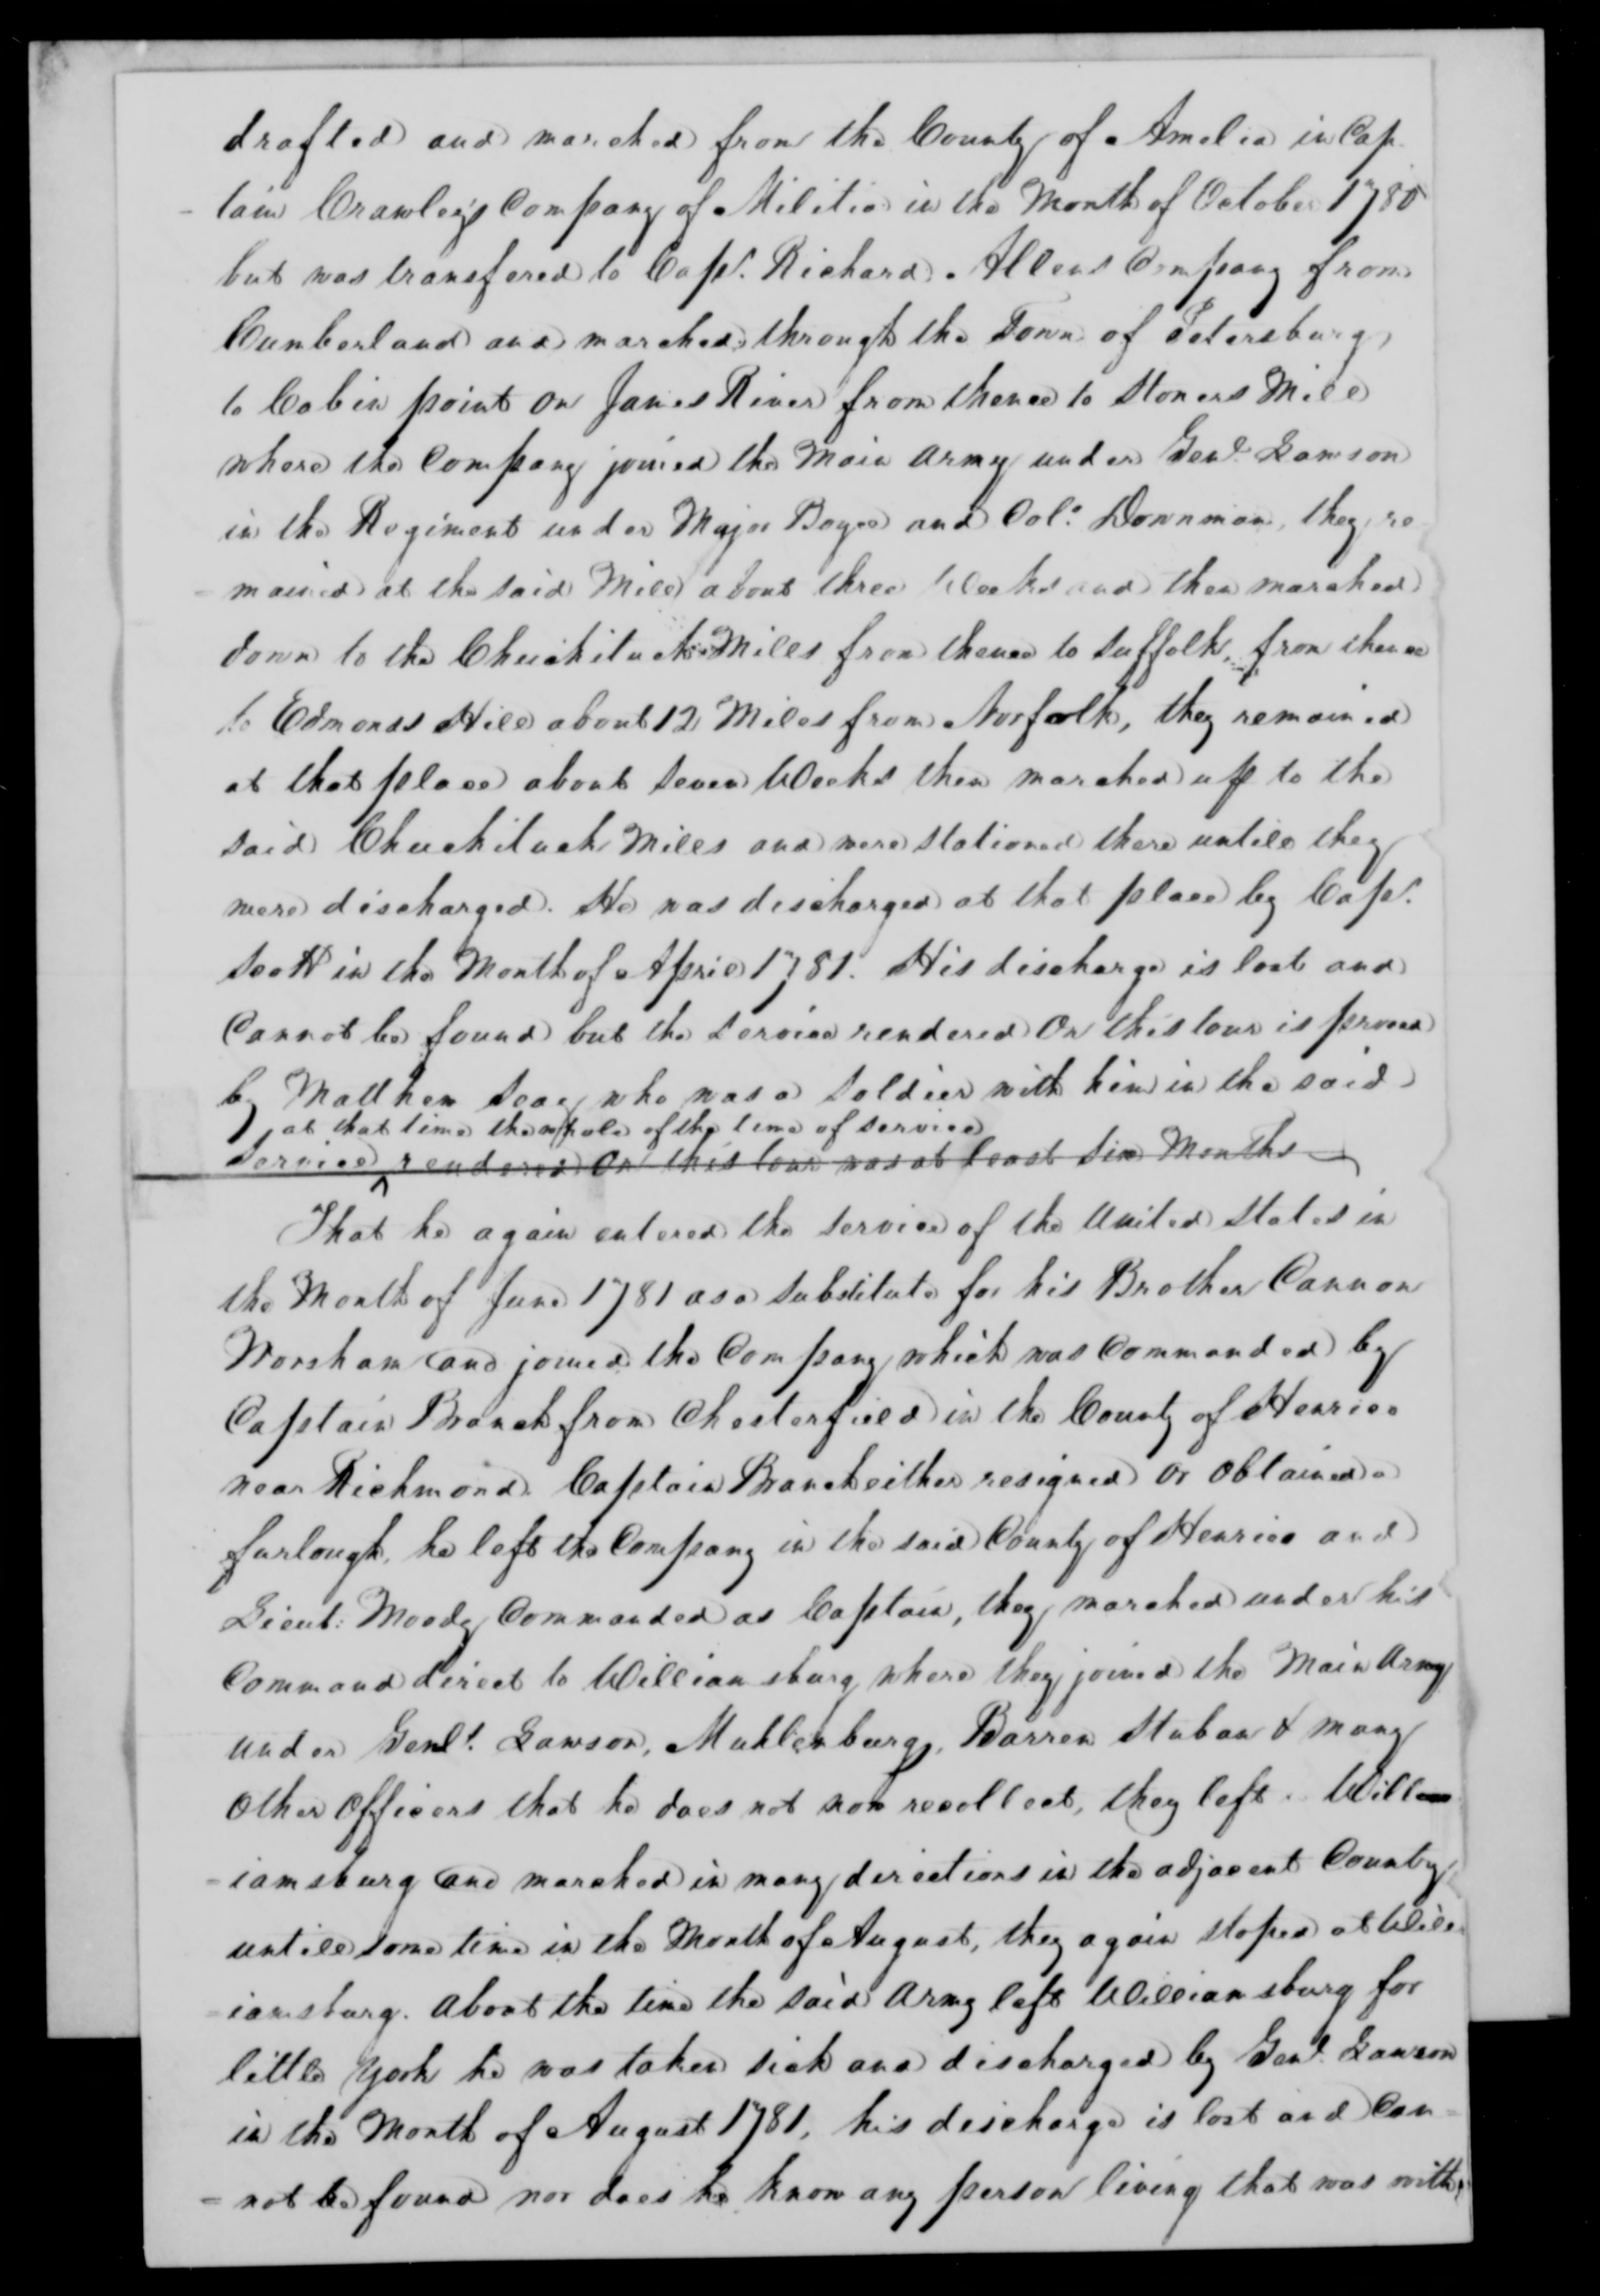drafted and marched from the County of Amelia in Captain
Crawley's Company of a Militia in the Month of October 1780
but was transfered to Capt. Richard Allens Company from
Cumberland and marched through the Town of Petersburg
to Cabin point on James River from thence to Stoners Mill
where the company joined the Main army under Gen.l Samson
in the Regiment under Major Boyer and Col.o Downman, there remained
at the said Mill about three weeks and then marched
down to the Chuckituck Mills from then to Sullolk from there
to Edmonds Hill about 12 miles from Norfolk, they remained
at that place about seven weeks then marched up to the
said Chuckituck Mills and were stationed there untill they
were discharged. He was discharged at that place by Cap.
Scott in the Month of April 1781. His discharge is lost and
Cannot be found but the Services rendered on this tour is proved
by Matthew Soaz who was a soldier with him in the said
Service ^at that time the whole of the time of service^ rendered on this tour was at least Six Months.
That he again entered the Services of the United States in
the Month of June 1781 as a Substitute for his Brother Cannon
Worsham and joined the Company which was commanded by
Captain Branch from Chesterfield in County of Henrico
near Richmond Captain Branch either resigned or obtained a
furlough, he left the Company in the said County of Henrico and
Lieut. Moody Commanded as Captain, they marched under his
command direct to Williamsburg where they joined the Main Army
under Gen.l Samson Muklenburg, Barren Stuban + many
other officers that he does not recollect, they left Williamsburg
and marched in many directions in the adjacent County
untill some time in the Month of August, they again stoped at Williamsburg.
About the time the said Army left Williamsburg for
little York he was taken sick and discharged by Gen.l Samson
in the Month of August 1781, his discharge is lost and Cannot
by found nor does he know any person living that was with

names: Muhlenburg, Boyer, Stuban, Lawson, Downman, Moody, Barren, Cannon Worsham, Branch, Scott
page: 4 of 16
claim: survivor's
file: S. 6,447, Essex Worsham, Va.